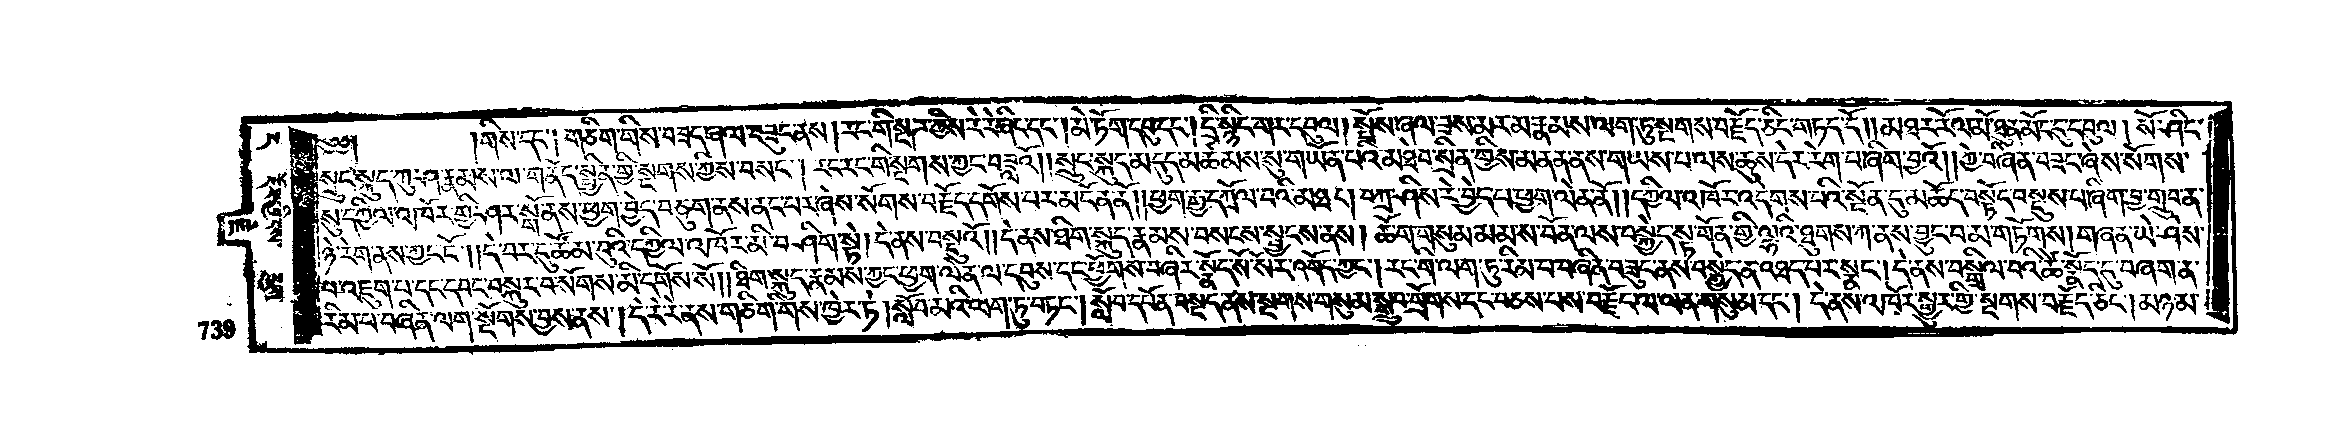༄༅། །གིས་དང་། གཅིག་གིས་བཟད་ཞལ་བཟུང་ནས། རང་གི་སྔགས་ཀྱིས་རེ་རེ་ཞིང་དང་། མེ་ཏོག་དབུ་དང་། དྲི་སྙིང་གར་དབུལ། སྤོས་ཞལ་ཟས་མར་མ་རྣམས་ལག་ཏུ་སྔགས་བརྗོད་ཅིང་གཏད་དོ། །མཐར་རོལ་མོ་ཐུན་མོང་དུ་དབུལ། སོ་ཤིང་
སྲུང་སྐུད་ཀུ་ཤ་རྣམས་ལ་གནོད་སྦྱིན་གྱི་སྔགས་ཀྱིས་བསང་། རང་རང་གི་སྔགས་ཀྱང་བཟླའོ། །སྲུང་སྐུད་མདུད་མཚམས་སུ་གཡོན་པའི་མཐེབ་སྲིན་གྱིས་མནན་ནས་གཡས་པ་ལས་ཆུས་དེར་རེག་པ་ཞིག་བྱའོ། །ཀྱེ་བཞིན་བཟང་ཞེས་སོགས་
སུ་དཀྱིལ་འཁོར་གྱི་ཤར་སྒོ་ནས་ཕྱག་བྱེད་བཅུག་ནས་ནང་པར་ཞེས་སོགས་བརྗོད་དགོས་པར་མངོན་ནོ། །ཕྱག་རྒྱ་དཀྲོལ་བའི་མཐང་། བཀྲ་ཤིས་རེ་བྱེད་པ་ཕྱག་ལེན་ནོ། །དཀྱིལ་འཁོར་འདེགས་པའི་སྔོན་དུ་མཆོད་བསྟོད་བསྡུས་པ་ཞིག་བྱ་གྲུབ་ན་
ཉེ་རེག་ནས་ཀྱང་ངོ། །དེ་བར་དུ་ཚོམ་བུའི་དཀྱིལ་འཁོར་མི་བཤིག་སྟེ། དེ་ནས་བསྡུའོ། །དེ་ནས་ཐིག་སྐུད་རྣམས་བསངས་སྦྱངས་ནས། ཆོ་ག་གསུམ་མམ་ས་བོན་ལས་བསྐྱེད་སྟ་གོན་གྱི་ལྷའི་ཐུགས་ཀ་ནས་བྱུང་བ་མ་གཏོགས། གཞན་ཡེ་ཤེས་
པ་འཇུག་པ་དང་དབང་བསྐུར་བ་སོགས་མི་དགོས་སོ། །ཐིག་སྐུད་རྣམས་ཀྱང་ཕྱག་ལེན་ལ་དབུས་དང་ཕྱོགས་བཞིར་སྣོད་སོ་སོར་འགོད་ཀྱང་། རང་གི་ལག་ཏུ་རིམ་པ་བཞིན་བཟུང་ནས་བསྐྱེད་ན་འཐད་པར་སྣང་། དེ་ནས་བསྒྲིལ་བའི་ཚེ་སྣོད་དུ་བཞག་ན་
རིམ་པ་བཞིན་ལག་སྡོགས་བྱས་ནས། དེ་རེ་རེ་ནས་གཅིག་གིས་ཁྱེར་ཏེ། སློབ་མའི་ལག་ཏུ་བཏང་། སློབ་དཔོན་བསྡད་ནས་སྔགས་གསུམ་སྒྲུབ་གྲོགས་དང་བཅས་པས་བརྗོད་ལ་ལན་གསུམ་དང་། དེ་ནས་འཁོར་སྒྱུར་གྱི་སྔགས་བརྗོད་ཅིང་། མཉམ་